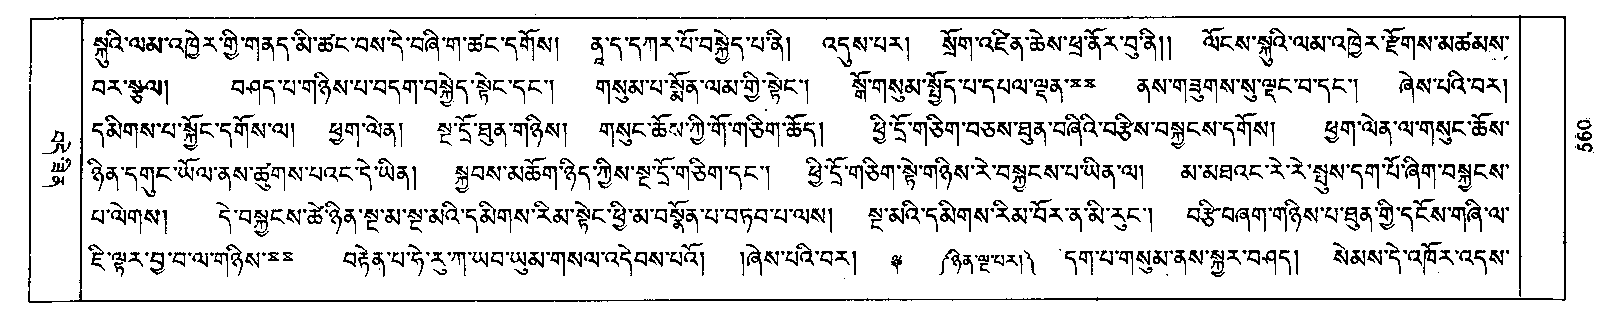སྐུའི་ལམ་འཁྱེར་གྱི་གནད་མི་ཚང་བས་དེ་བཞི་ག་ཚང་དགོས། ནཱ་ད་དཀར་པོ་བསྐྱེད་པ་ནི། འདུས་པར། སྲོག་འཛིན་ཆེས་ཕྲ་ནོར་བུ་ནི།། ལོངས་སྐུའི་ལམ་འཁྱེར་རྫོགས་མཚམས་
བར་སྩལ། བཤད་པ་གཉིས་པ་བདག་བསྐྱེད་སྟེང་དང་། གསུམ་པ་སྨོན་ལམ་གྱི་སྟེང་། སྒོ་གསུམ་སྤྱོད་པ་དཔལ་ལྡན་྾་྾་ནས་གཟུགས་སུ་ལྡང་བ་དང་། ཞེས་པའི་བར།
དམིགས་པ་སྐྱོང་དགོས་ལ། ཕྱག་ལེན། སྔ་དྲོ་ཐུན་གཉིས། གསུང་ཆོས་ཀྱི་གོ་གཅིག་ཆོད། ཕྱི་དྲོ་གཅིག་བཅས་ཐུན་བཞིའི་བརྩིས་བསྐྱངས་དགོས། ཕྱག་ལེན་ལ་གསུང་ཆོས་
ཉིན་དགུང་ཡོལ་ནས་ཚུགས་པའང་དེ་ཡིན། སྐྱབས་མཆོག་ཉིད་ཀྱིས་སྔ་དྲོ་གཅིག་དང་། ཕྱི་དྲོ་གཅིག་སྟེ་གཉིས་རེ་བསྐྱངས་པ་ཡིན་ལ། མ་མཐའང་རེ་རེ་སྤུས་དག་པོ་ཞིག་བསྐྱངས་
པ་ལེགས། དེ་བསྐྱངས་ཚེ་ཉིན་སྔ་མ་སྔ་མའི་དམིགས་རིམ་སྟེང་ཕྱི་མ་བསྣོན་པ་བཏབ་པ་ལས། སྔ་མའི་དམིགས་རིམ་བོར་ན་མི་རུང་། བརྩི་བཞག་གཉིས་པ་ཐུན་གྱི་དངོས་གཞི་ལ་
ཇི་ལྟར་བྱ་བ་ལ་གཉིས་྾་྾་བརྟེན་པ་ཧེ་རུ་ཀ་ཡབ་ཡུམ་གསལ་འདེབས་པའོ། །ཞེས་པའི་བར། ༈ ཉིན་ལྔ་པར།?་དག་པ་གསུམ་ནས་སྐྱར་བཤད། སེམས་དེ་འཁོར་འདས་